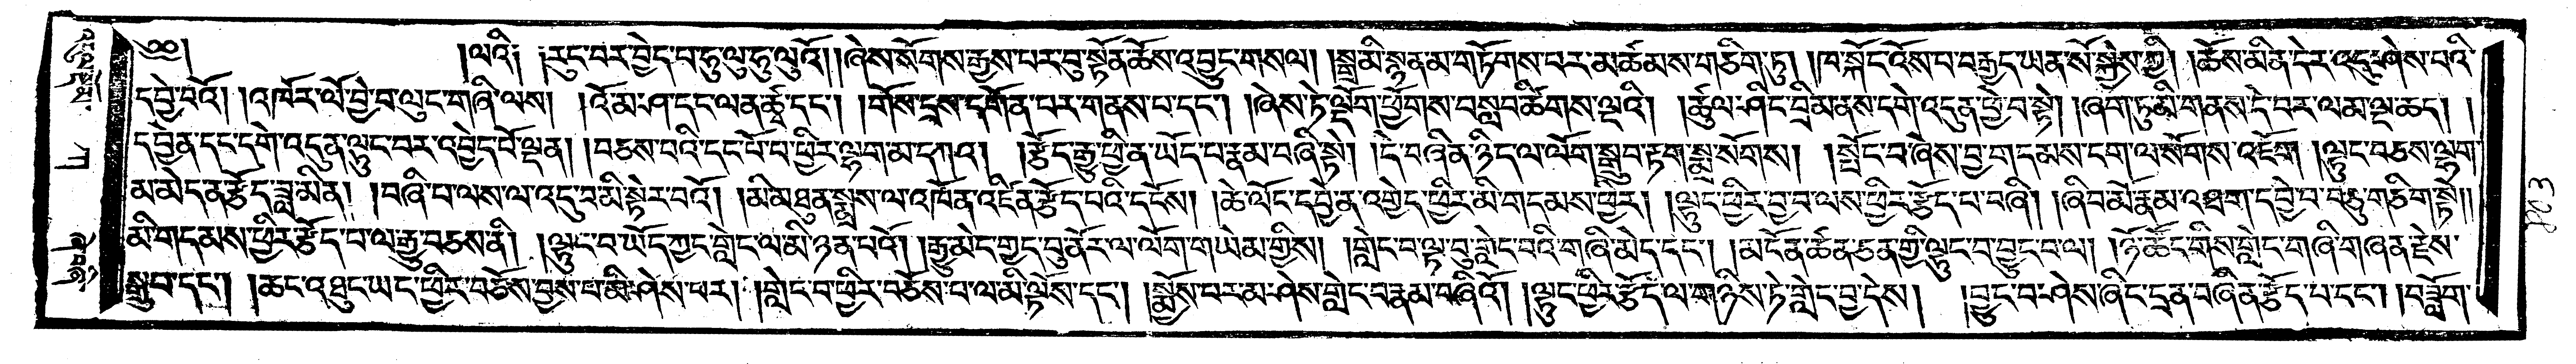༄༅། །ལའི༑ །རུང་བར་བྱེད་བ་ཧུ་ལུ་ཧུ་ལུའོ། །ཞེས་སོགས་རྒྱས་པར་བུ་སྟོན་ཆོས་འབྱུང་གསལ། །སྒྲ་མི་སྙན་མ་གཏོགས་པར་མཚམས་གཅིག་ཏུ། །ཁ་སྐོང་འོས་པ་བརྒྱད་ཡན་སོ་སྐྱེས་ཀྱི། །ཆོས་མིན་དེར་འདུ་ཤེས་པའི་
དབྱེ་བའོ། །འཁོར་ལོ་བྱེ་བ་ལུང་གཞི་ལས། །འོ་མ་ཤ་དང་ལན་ཚྭ་དང་། །གོས་དྲས་དགོན་པར་གནས་པ་དང་། །ཞེས་ཏེ་ལྡོག་ཕྱོགས་བསླབ་ཚིགས་ལྔའི། །ཚུལ་ཤིང་བྲིམ་ནས་དགེ་འདུན་ཕྱེ་བ་སྟེ། །ཞག་ཏུ་མི་གནས་དེ་བར་ལམ་ལྔ་ཆད། །
དབྱེ་ན་དང་དགེ་འདུན་ལྟུང་བར་འབྱེད་པོ་ལྡན། །བཅས་པའི་དང་པོ་བ་ཕྱིར་ལྷག་མ་དཀའ། །རྩོད་རྒྱུ་ཕྱིན་ཡོད་པ་རྣམ་བཞི་སྟེ། །དེ་བཞིན་ཉིད་ལ་ལོག་སྒྲུབ་རྟག་སྨྲ་སོགས། །སྤོང་བ་ཞེས་བྱ་གདམས་ངག་ལ་སོགས་འཇོག །ལྟུང་བཅས་ལྷག་
མ་མེད་ན་རྩོད་ཟླ་མིན། །བཞི་པ་ལས་ལ་འདུ་བ་མི་སྟེར་བའོ། །མི་མཐུན་སྨྲས་ལ་འཁོ་ན་འཛིན་རྩོད་པའི་དངོས། །ཆེ་ལོང་དབྱེ་ན་འགྱེད་ཕྱིར་མི་གདམས་ཕྱིར། །ལྟུང་ཕྱིར་བྱ་བ་ལས་ཕྱིར་རྩོད་པ་བཞི། །ཞིབ་མོ་རྣམ་འཐག་དབྱེ་བ་བཅུ་གཅིག་སྟེ།།
མི་གདམས་ཕྱིར་རྩོད་པ་ལ་རྒྱུ་བཅས་ནི། །ལྟུང་བ་ཡོད་ཀྱང་གླེང་ལ་མི་ཉན་པའོ། །རྒྱུ་མེད་གྱད་བུ་ནོར་ལ་ལོག་གཡེམ་གྱིས། །གླེང་བ་ལྟ་བུ་གླེང་བའི་གཞི་མེད་དང་། །མངོན་ཚན་ཅན་གྱི་ལྟུང་བ་བྱུང་བ་ལ། །ཉོ་ཚོང་གིས་གླེང་གཞི་གཞན་རྗེས་
སྒྲུབ་དང་། །ཆད་འཐུང་ཡང་ཕྱིར་བཅོས་བྱས་པ་མི་ཤེས་པར། །གླེང་བ་ཕྱིར་བཅོས་པ་ལ་མི་ལྟོས་དང་། །སྨྱོས་པར་མ་ཤེས་གླེང་བ་རྣམ་བཞིའོ། །ལྟུང་ཕྱིར་རྩོད་ལ་གཉིས་ཏེ་གླེང་བྱ་དེས། །བྱུང་བ་ཤེས་ཞིང་དྲན་བཞིན་རྩོད་པ་དང་། །བཟློག་